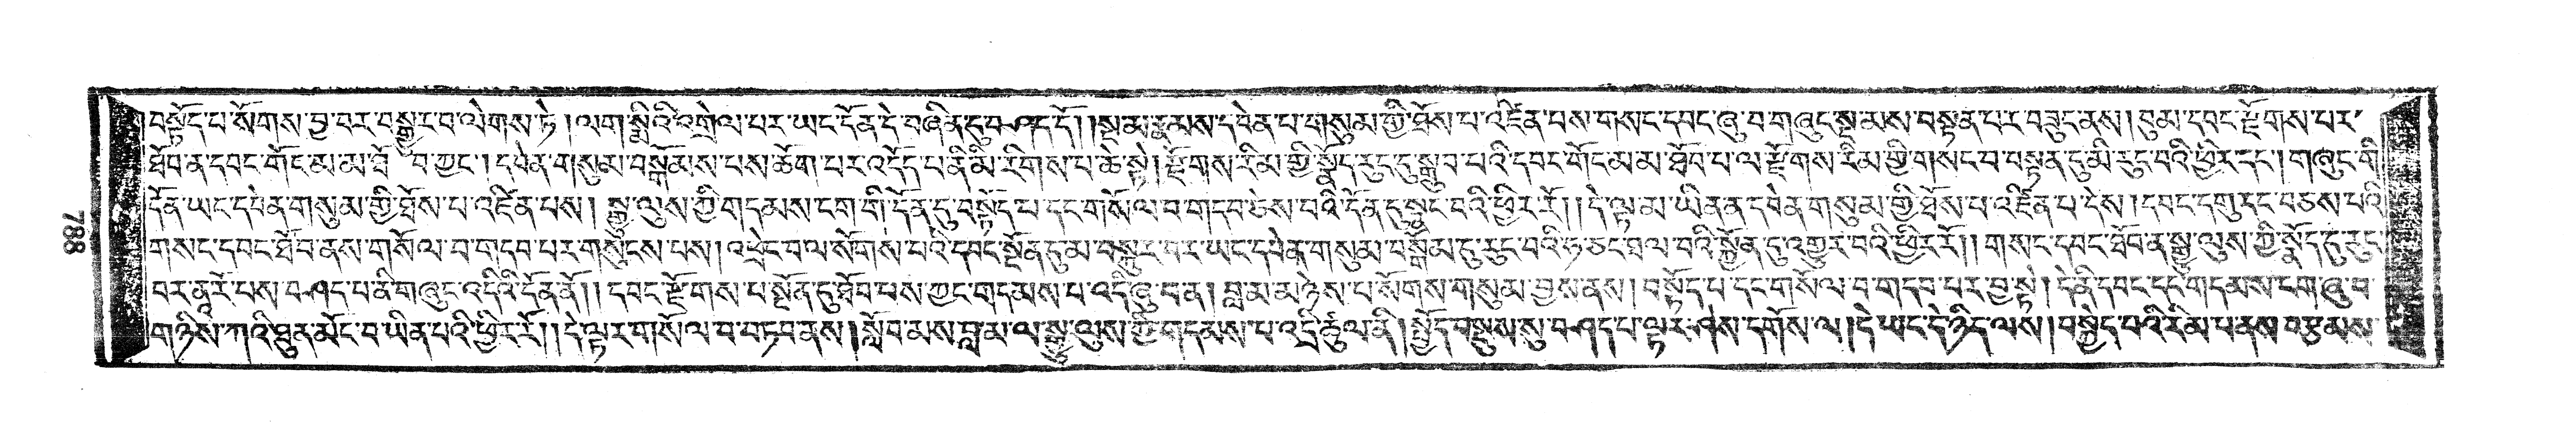བསྟོད་པ་སོགས་བྱ་བར་བསྒྱུར་བ་ལེགས་ཏེ། ལག་སྨིའི་འགྲེལ་པར་ཡང་དོན་དེ་བཞིན་དུ་བཤད་དོ། །སྔ་མ་རྣམས་དབེན་པ་གསུམ་གྱི་ཐོས་པ་འཛིན་པས་གསང་དབང་ཞུ་བ་གཞུང་སྔ་མས་བསྟན་པར་བཟུང་ནས། བུམ་དབང་རྫོགས་པར་
ཐོབ་ན་དབང་གོང་མ་མ་ཐོབ་ཀྱང་། དབེན་གསུམ་བསྒོམས་པས་ཆོག་པར་འདོད་པ་ནི་མི་རིགས་པ་ཆེ་སྟེ། རྫོགས་རིམ་གྱི་སྣོད་རུང་དུ་སྒྲུབ་པའི་དབང་གོང་མ་མ་ཐོབ་པ་ལ་རྫོགས་རིམ་གྱི་གསང་བ་བསྟན་དུ་རི་མུང་བའི་ཕྱིར་དང་། གཞུང་གི་
དོན་ཡང་དབེན་གསུམ་གྱི་ཐོས་པ་འཛིན་པས། སྒྱུ་ལུས་ཀྱི་གདམས་ངག་གི་དོན་དུ་བསྟོད་པ་དང་གསོལ་བ་གདབ་ཅེས་པའི་དོན་དུ་སྣང་བའི་ཕྱིར་རོ། །དེ་ལྟ་བ་ཡིན་ན་དབེན་གསུམ་གྱི་ཐོས་པ་འཛིན་པ་དེས། དབང་དགུ་དང་བཅས་པའི་
གསང་དབང་ཐོབ་ནས་གསོལ་བ་གདབ་པར་གསུངས་པས། འཕྲེང་བ་ལ་སོགས་པའི་དབང་སྔོན་དུ་མ་བསྐུར་བར་ཡང་དབེན་གསུམ་བསྒོམ་དུ་རུང་བའི་ཧ་ཅང་ཐལ་བའི་སྐྱོན་དུ་འགྱུར་བའི་ཕྱིར་རོ། །གསང་དབང་ཐོབ་ན་སྒྱུ་ལུས་ཀྱི་སྣོད་དུ་རུང་
བར་ནཱ་རོ་པས་བཤད་པ་ནི་གཞུང་འདིའི་དོན་ནོ། །དབང་རྫོགས་པ་སྔོན་དུ་ཐོབ་པས་ཀྱང་གདམས་པ་འདི་ཞུ་བ་ན། བླ་མ་མཉེས་པ་སོགས་གསུམ་བྱས་ན། བསྟོད་པ་དང་གསོལ་བ་གདབ་པར་བྱ་སྟེ། དེ་ནི་དབང་དང་གདམས་ངག་ཞུ་བ་
གཉིས་ཀའི་ཐུན་མོང་བ་ཡིན་པའི་ཕྱིར་རོ། །དེ་ལྟར་གསོལ་བ་བཏབ་ནས། སློབ་མས་བླ་མ་ལ་སྒྱུ་ལུས་ཀྱི་གདམས་པ་འདྲི་ཚུལ་ནི། སྤྱོད་བསྡུས་སུ་བཤད་པ་ལྟར་ཤེས་དགོས་ལ། དེ་ཡང་དེ་ཉིད་ལས། བསྐྱེད་པའི་རིམ་པ་ནས་བརྩམས་